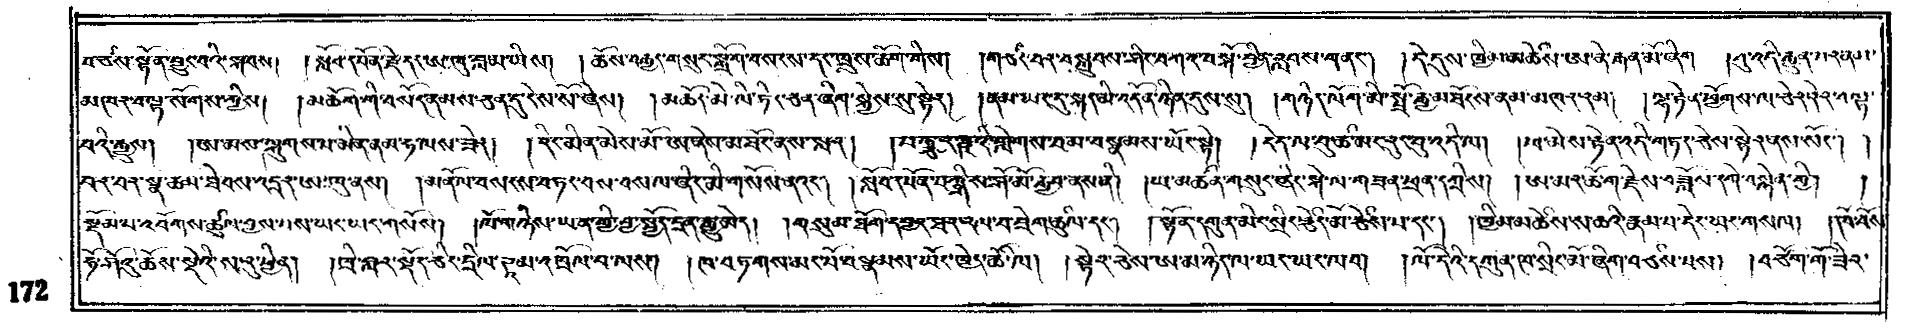བཙས་སྟོན་བྱུང་བའི་སྐབས། །སློབ་དཔོན་རྗེ་དང་ཨ་ཁུ་བླ་མ་ཡིས། །ཆོས་བརྒྱད་གསུང་སྒྲོག་བསངས་དང་ཁྲུས་ཆོག་གིས། །གཙང་བར་བསྒྲུབས་ཤིང་བཀའ་བསྐོ་བྱིན་རླབས་གནང་། །དེ་དུས་ཁྱིམ་མཚེས་ཨ་ནེ་རྒན་མོ་ཞིག །བུ་འདི་རྒྱུན་པར་ནམ་
མཁར་བལྟ་སོགས་ཀྱིས། །མཆོག་གི་བསོད་ནམས་ཅན་དུ་ངེས་སོ་ཞེས། །མཆོད་མེ་ལི་ཏིང་ཅན་ཞིག་སྐྱེས་སུ་སྟེར། །ནམ་ཡང་དུ་སྐད་མི་འདོན་ཉིན་དུས་སུ། །གཉིད་ལོག་མི་སྤྲོ་རྒྱ་མཐོངས་ནམ་མཁར་རམ། །ལྷ་རྟེན་ཕྱོགས་ལ་ཅེར་རེར་བལྟ་
བའི་རྒྱུས། །ཨ་མས་ལྐུགས་པ་མིན་ནམ་ཧ་ལས་ཟེར། །རིང་མིན་མེས་མོ་ཨ་ནེས་མཐོང་ནས་སླར། །བཉྩ་རཀྵའི་གླེགས་བམ་བསྣམས་ཡོང་སྟེ། །ངེད་ལ་བུ་ཚ་མང་རུང་བུ་འདི་ལ། །ཕ་མེས་རྟེན་འདི་གཏད་ཅེས་སྟེར་ནས་སོང་། །
བར་བར་སྣ་ཆམ་ཐེབས་འདྲར་ཨ་ཁུ་ནས། །མནོལ་བསངས་བཏང་བས་བསལ་ཞིང་མི་གསོས་ནའང་། །སློབ་དཔོན་པཀྴིས་ཤོ་མོ་རྒྱབ་ནས་ནི། །ཡ་མཚན་གསུང་ཞིང་སྐེ་ལ་གཟན་ཕྲན་དཀྲིས། །ཨ་མར་ཆོ་ག་རྗེས་བཟློས་དགེ་བསྙེན་གྱི། །
སྡོམ་པ་འབོགས་ཚུལ་བྱས་པས་ཡང་ཡང་གསོས། །ལོ་གཉིས་ཡན་གྱི་བྱ་སྤྱོད་དྲན་རྒྱུ་མེད། །གསུམ་ཐོག་དབྱར་ཐར་རལ་བ་བྲེག་ཚུལ་དང་། །སྟོན་དགུན་མིང་སྲིད་རྩེད་མོ་རྩེས་པ་དང་། །ཁྱིམ་མཚེས་ས་ཆའི་རྣམ་པ་དེང་ཡང་གསལ། །ཁོ་བོས་
ཧོ་ཤོའུ་ཆོས་སྡེའི་ས་རུ་ཕྱིན། །ཁྲི་བླར་སྡོད་ཅིང་དྲིལ་ཊཱམ་འཁྲོལ་བ་ལས། །ཁ་བཏགས་མང་བོ་བསྣམས་ཡོང་ཁྱེད་ཚོ་ལི། །སྟེར་ཅེས་ཨ་མ་ཉིད་ལ་ཡང་ཡང་ལབ། །ལོ་དེའི་དགུན་ཁ་སྲིང་མོ་ཞིག་བཅས་པས། །བཙོག་གོ་ཟེར་